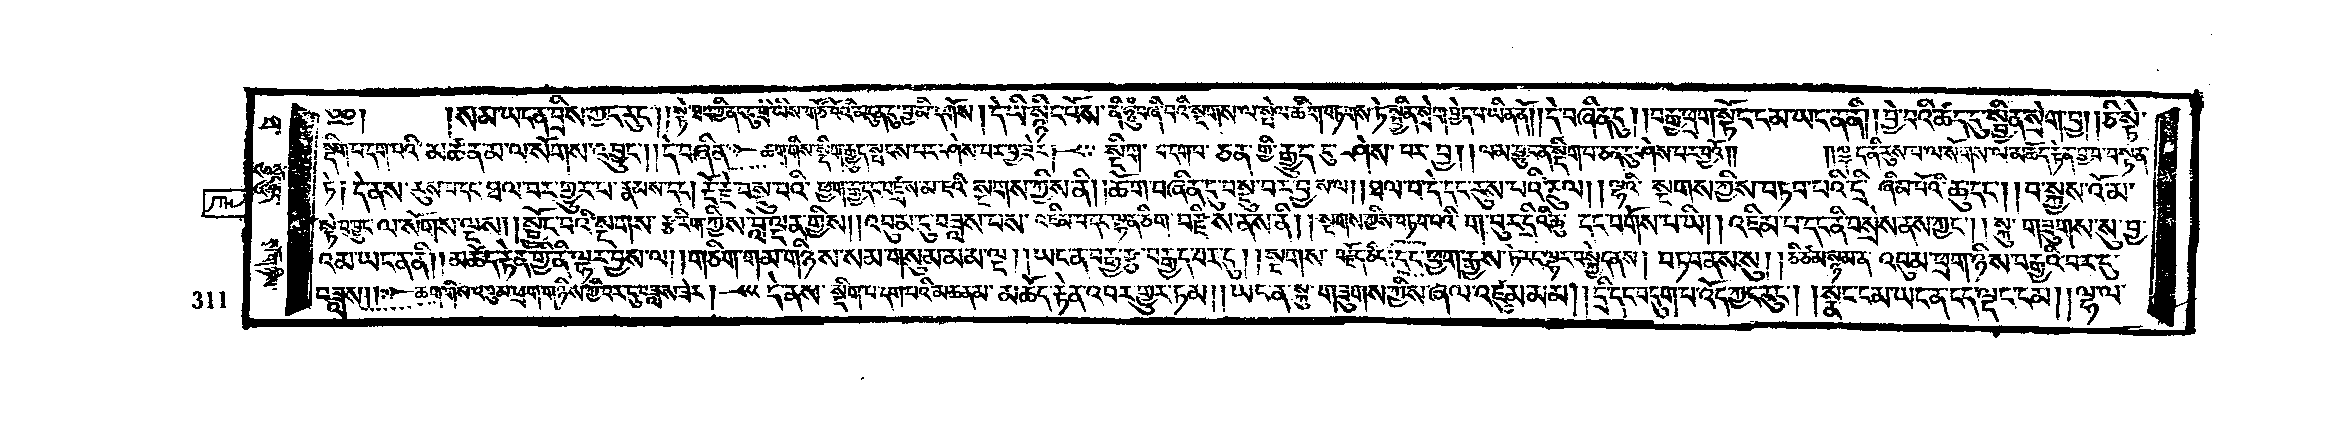༄༅། །སམ་ཡང་ན་བྲིས་ཀྱང་རུང་། ། སྟེ་ཐབ་ཀྱི་ནང་དུ་གྲི་ཡིས་གཙོ་བོའི་མདུན་དུ་བྱ་མི་དགོས། དེ་ཡི་སྙིང་པོས་ནི་ཧཱུཾ་བཞི་པའི་སྔགས་ལ་སྤེལ་ཚིག་བཏགས་ཏེ་སྦྱིན་སྲེག་བྱེད་པ་ཡིན་ནོ། །དེ་བཞིན་དུ། །བརྒྱ་ཕྲག་སྟོང་ངམ་ཡང་ན་ནི། །བྱེ་བའི་ཚད་དུ་སྦྱིན་སྲེག་བྱ། །ཅི་སྟེ་
སྡིག་པ་དག་པའི་མཚན་མ་ལ་སོགས་འབྱུང་། །དེ་བཞིན་ཆག་གིས་སྡིག་རྒྱུད་སྤངས་པར་ཤེས་པར་བྱ་ཟེར། སྡིག་པ་དག་པ་ཅན་གྱི་རྒྱུད་དུ་ཤེས་པར་བྱ། །ལམ་བྱུང་ན་སྡིག་པ་ཅན་དུ་ཤེས་པར་བྱའོ།། །། ༈ ད་ནི་རུས་པ་ལ་སོགས་ལ་མཆོད་རྟེན་བྱ་བ་བསྟན་
ཏེ། དེ་ནས་རུས་པ་དང་ཐལ་བར་གྱུར་པ་རྣམས་དང། རྡོ་རྗེ་བསྡུ་པའི་ཕྱག་རྒྱ་དང་བཛྲ་ས་མ་ཛའི་སྔགས་ཀྱིས་ནི། །ཆོ་ག་བཞིན་དུ་བསྡུ་བར་བྱས་ལ། །ཐལ་བ་དེ་དང་རུས་པའི་རྡུལ། ། ལྷའི་སྔགས་ཀྱིས་བཏབ་པའི་དྲི་ཞིམ་པོའི་ཆུ་དང་། །བ་སྐྱས་འོ་མ་
སྟེ་བ་བྱུང་ལ་སོགས་ལྔས། །སྦྱོང་བའི་སྔགས་རྩ་རིག་ཀྱིས་བློ་ལྡན་གྱིས། །འབུམ་དུ་བཟླས་པས་འཇིམ་པ་དང་ལྷན་ཅིག་བརྫིས་ནས་ནི། ། སྔགས་ཀྱིས་བཏབ་པའི་ག་བུར་དྲིའི་ཆུ་དང་བགོས་པ་ཡི། །འཇིམ་པ་དང་ནི་བསྲེས་ནས་ཀྱང་། ། སྐུ་གཟུགས་སུ་བྱ་
འམ་ཡང་ན་ནི། །མཆོད་རྟེན་གྱི་ནི་ལྷར་བྱས་ལ། །གཅིག་གམ་གཉིས་སམ་གསུམ་མམ་ལྔ། །ཡང་ན་བརྒྱ་རྩ་བརྒྱད་བར་དུ། །སྔགས་བརྗོད་ཅིང་དང་ཕྱག་རྒྱས་ཏེ་རང་ལྷར་བསྐྱེད་ནས། བཏབ་ནས་སུ། ། ཅི་ཙམ་སྙམ་ན་འབུམ་ཕྲག་ཉིས་བརྒྱའི་བར་དུ་
བཟླས། ། ཆག་གིས་འབུམ་ཕྲག་གཉིས་ཀྱི་བར་དུ་བཟླས་ཟེར། དེ་ནས་སྡིག་པ་དག་པའི་མཚན་མ་མཆོད་རྟེན་འབར་གྱུར་ཏམ། །ཡང་ན་སྐུ་གཟུགས་ཀྱིས་ཞལ་འཛུམ་མམ། །དྲི་དང་བདུག་པ་འོད་ཀྱང་རུང་། །སྣང་ངམ་ཡང་ན་ངད་ལྡང་ངམ། །ལྷ་ལ་